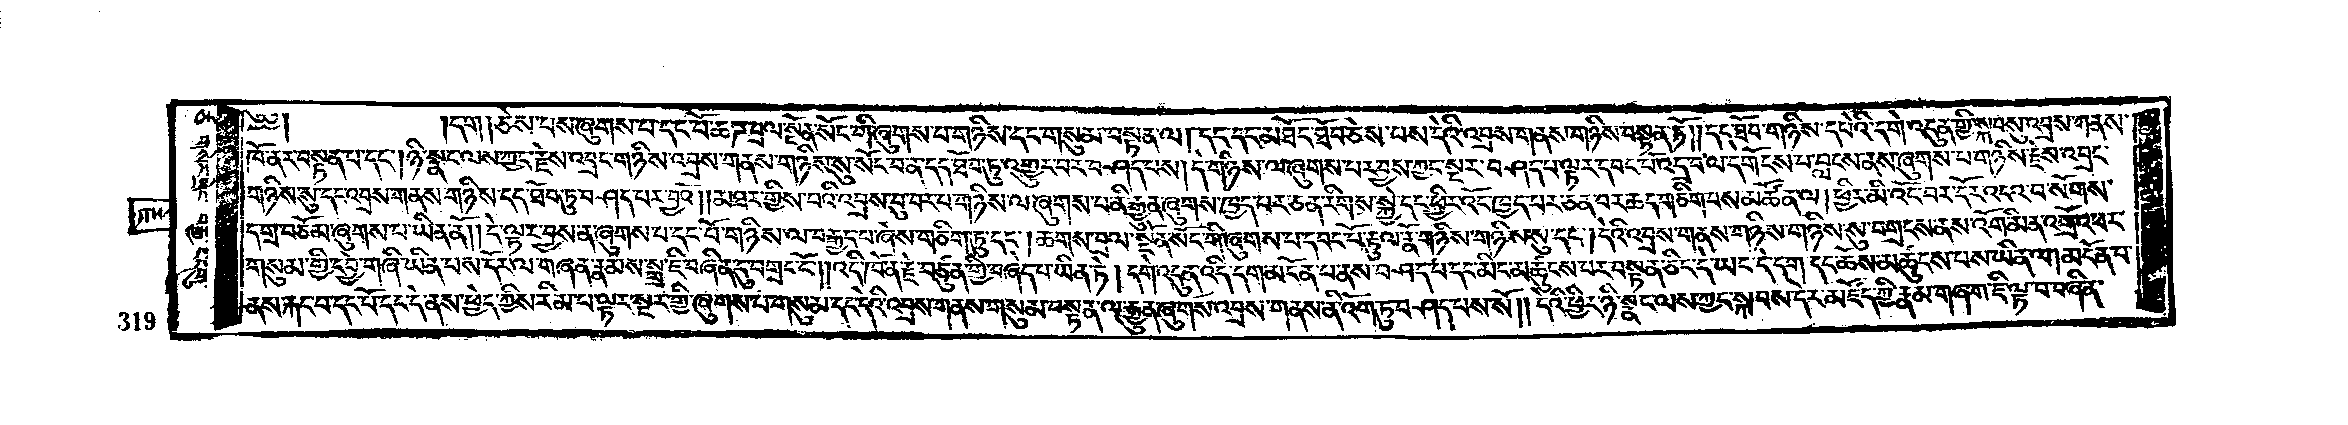༄༅། །དག །ཅེས་པས་ཞུགས་པ་དང་པོ་ཆགས་བྲལ་སྔོན་སོང་གི་ཞུགས་པ་གཉིས་དང་གསུམ་བསྟན་ལ། དད་དང་མཐོང་ཐོབ་ཅེས་པས་དེའི་འབྲས་གནས་གཉིས་བསྟན་ཏོ། །དད་ཐོབ་གཉིས་དཔེའི་དགེ་འདུན་གྱི་སྐབས་སུ་འབྲས་གནས་
ཁོ་ནར་བསྟན་པ་དང་། ཉི་སྣང་ལས་ཀྱང་རྗེས་འབྲང་གཉིས་འབྲས་གནས་གཉིས་སུ་སོང་བ་ན་དད་ཐོབ་ཏུ་འགྱུར་བར་བཤད་པས། དེ་གཉིས་ལ་ཞུགས་པར་བྱས་ཀྱང་སྔར་བཤད་པ་ལྟར་དབང་པོ་འདྲ་བ་ལ་དགོངས་པ་བླངས་ནས་ཞུགས་པ་གཉིས་རྗེས་འབྲང་
གཉིས་སུ་དང་འབྲས་གནས་གཉིས་དད་ཐོབ་ཏུ་བཤད་པར་བྱའོ། །མཐར་གྱིས་པའི་འབྲས་བུ་བར་བ་གཉིས་ལ་ཞུགས་པ་ནི་རྒྱུན་ཞུགས་ཁྱད་པར་ཅན་རིགས་སྐྱེ་དང་ཕྱིར་འོང་ཁྱད་པར་ཅན་བར་ཆད་གཅིག་པས་མཚོན་ལ། ཕྱིར་མི་འོང་བར་དོར་འདའ་བ་སོགས་
དགྲ་བཅོམ་ཞུགས་པ་ཡིན་ནོ། །དེ་ལྟར་བྱས་ན་ཞུགས་པ་དང་པོ་གཉིས་ལ་བརྒྱད་པ་ཞེས་གཅིག་ཏུ་དང་། ཆགས་བྲལ་སྔོན་སོང་གི་ཞུགས་པ་དབང་པོ་རྟུལ་རྣོ་གཉིས་གཉིས་སུ་དང་། དེའི་འབྲས་གནས་གཉིས་གཉིས་སུ་བགྲངས་ནས་འོག་མིན་འགྲོ་འཕར་
གསུམ་གྱི་དབྱེ་གཞི་ཡིན་པས་དོར་ལ་གཞན་རྣམས་སྒྲ་ཇི་བཞིན་དུ་བགྲང་ངོ། །འདི་ཁོ་ན་རྗེ་བཙུན་གྱི་བཞེད་པ་ཡིན་ཏེ། དགེ་འདུན་འདི་དག་མངོན་པ་ནས་བཤད་པ་དང་མིང་མཚུངས་པར་བསྟན་ཅིང་དེ་ཡང་དེ་དག་དང་ཆོས་མཚུངས་པས་ཡིན་ལ། མངོན་པ་
ནས་རྐང་པ་དང་པོ་དང་དེ་ནས་ཕྱེད་ཀྱིས་རིམ་པ་ལྟར་སྔར་གྱི་ཞུགས་པ་གསུམ་དང་དེའི་འབྲས་གནས་གསུམ་བསྟན་ལ་རྒྱུན་ཞུགས་འབྲས་གནས་ནི་འོག་ཏུ་བཤད་པས་སོ། །དེའི་ཕྱིར་ཉི་སྣང་ལས་ཀྱང་སྐབས་དེར་མཛོད་ཀྱི་རྣམ་གཞག་ཇི་ལྟ་བ་བཞིན་